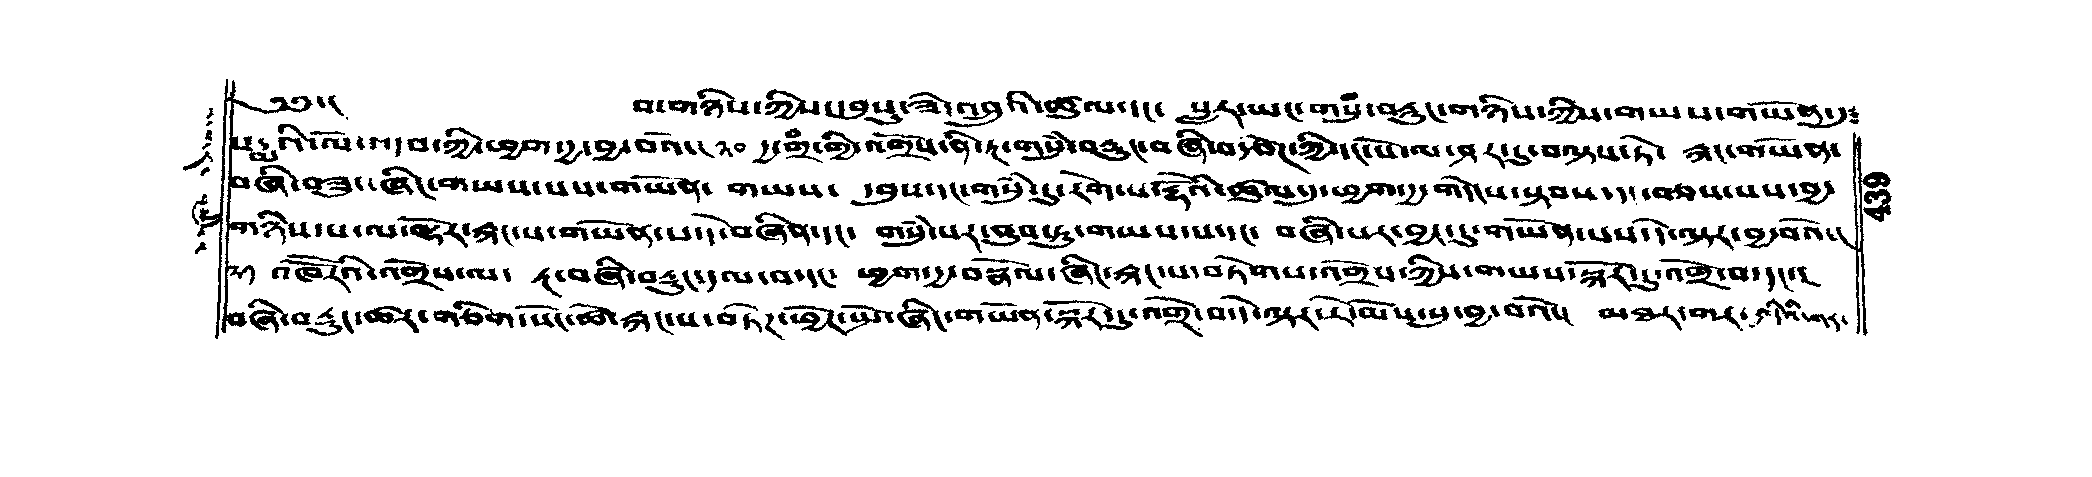བ་གཉིས་ཀྱིས་དབུས་སུ་ཟེ་འབྲུའི་ཚུལ་དང་། སླར་ཡང་གསུམ་བརྡུང་གཉིས་ཀྱིས་གཡས་གཡོན་དུ་
པདྨའི་ལོ་འདབ་ཀྱི་ཕྱག་རྒྱ་བྱ་བའོ། ༢༠ རྒྱ་གྲམ་གྱི་འགྲོས་ནི་རྔ་གསུམ་བརྡུང་བཞི་བརྩེགས་ཀྱི་དང་པོ་ལ་ཤར་དུ་བལྟས་ཏེ། རྐང་གཡོན་
བཞི་བཟུང་ཞིང་གཡས་པས་གཡོན། གཡས། དབུས་དང་གསུམ་དུ་རེག་པ་རྡོ་རྗེའི་ཚུལ་དུ་ཕྱག་རྒྱ་གདེངས་སྟབས་དང་བཅས་པས་བྱ། 
གཉིས་པ་ལ་ལྷོར་རྐང་པ་གཡོན་པ་དེ་བཞིན་དང་། གསུམ་པར་ནུབ་དུ་གཡས་པ་དང་། བཞི་པར་བྱང་དུ་གཡོན་པས་དེ་ལྟར་བྱ་བའོ། 
༢༡ འཁོར་ལོའི་འགྲོས་ལ། རྔ་བཞི་བརྡུང་དལ་བ་དང་། ཕྱག་རྒྱ་བསྣོལ་ཞིང་རྐང་པ་བཏེགས་འགྲོས་ཀྱིས་གཡས་སྐོར་དུ་འགྲོ་བ་དང་། 
བཞི་བརྡུང་ཚར་གཅིག་སོང་ཚེ་རྐང་པ་བཏེགས་ཕྱོགས་སྤོ་ཞིང་གཡོན་ལསྐོར་དུ་འགྲོ་བ་དེ་ལྟར་རེ་མོས་སུ་བྱ་བའོ། མཐར་གར་འདིའི་གར་